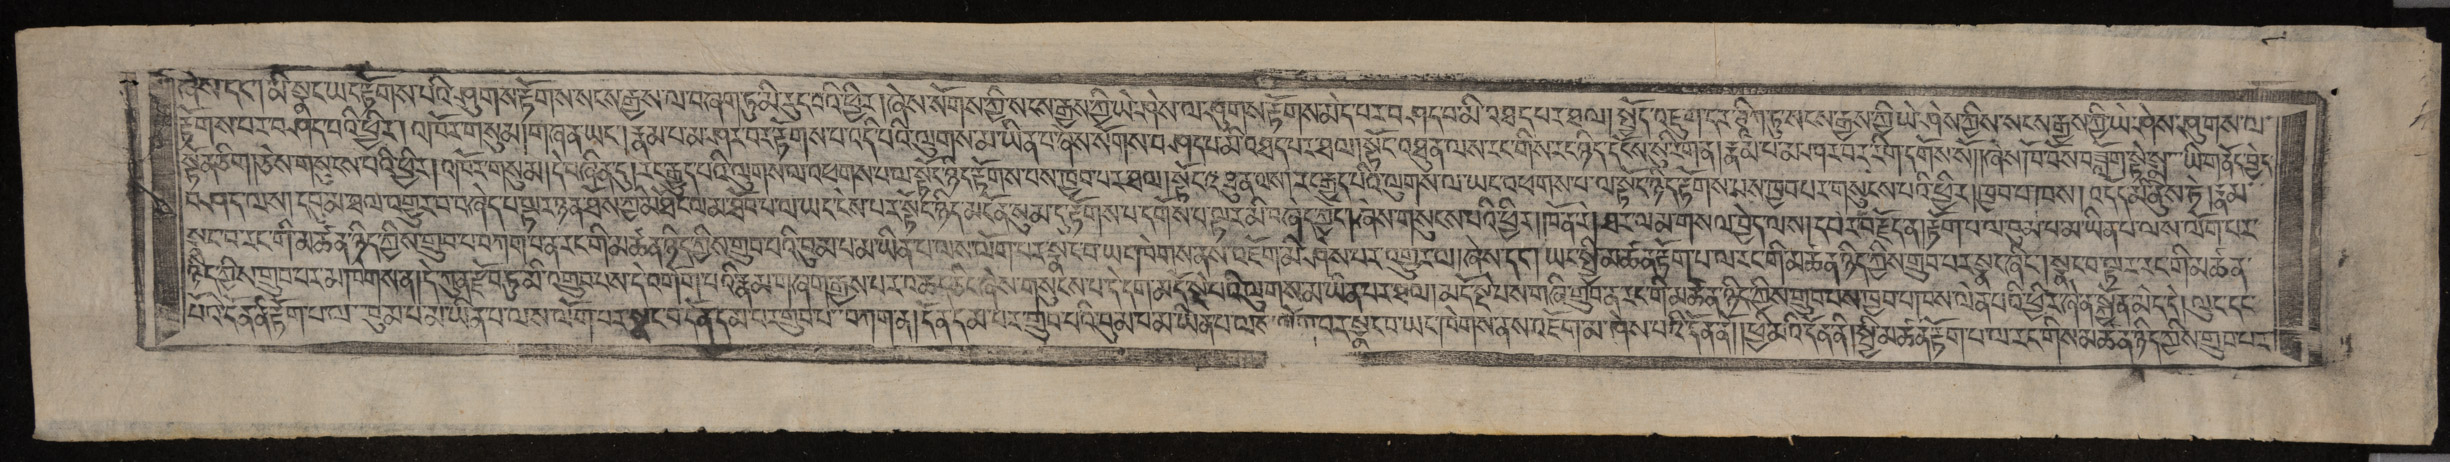ཞེས་དང་། མི་སྣང་ཡང་རྟོགས་པའི་ཤུགས་རྟོགས་སངས་རྟོགས་པར་བཤད་པའི་ཕྱིར། འཁོར་གསུམ། གཞན་ཡང་། རྣམ་པ་མ་ཤར་བར་རྟོགས་པ་འདི་བའི་ལུགས་མ་ཡིན་པ་ཞེས་སོགས་བཤད་པ་མི་འཐད་པར་ཐལ། སྤྱོད་འཇུག་པར་ཊཱིཀ་ཏུ་སངས་རྒྱས་ཀྱི་ཡེ་ཤེས་ཀྱིས་སངས་རྒྱས་ཀྱི་ཡེ་ཤེས་ཤུགས་ལ་
རྟོགས་པར་བཤད་པའི་ཕྱིར། འཁོར་གསུམ། གཞན་ཡང་། རྣམ་པ་མ་ཤར་བར་རྟོགས་པ་འདི་བའི་ལུགས་མ་ཡིན་པ་ཞེས་སོགས་བཤད་པ་མི་འཐད་པར་ཐལ། སྟོང་འཐུན་ལས་རང་གིས་རང་ཉིད་དངོས་སུ་རིག་ན། རྣམ་པ་མ་ཤར་བར་རིག་དགོས་སོ། །ཞེས་ཁོ་བོས་བཟློག་སྟེ་སྨྲ་ཡི་གནོད་བྱེད་
སྟེན་ཅིག །ཅེས་གསུངས་པའི་ཕྱིར། འཁོར་གསུམ། དེ་བཞིན་དུ། རང་རྒྱུད་པའི་ལུགས་ལ་འཕགས་པ་ལ་སྟོང་ཉིད་རྟོགས་པས་ཁྱབ་པར་ཐལ། སྟོང་འཐུན་ལས། རང་རྒྱུད་པའི་ལུགས་ལ་ཡང་འཕགས་པ་ལ་སྟོང་ཉིད་རྟོགས་པས་ཁྱབ་པར་གསུངས་པའི་ཕྱིར། ཁྱབ་པ་ཁས། འདོད་མི་ནུས་ཏེ། རྣམ་
བཤད་ལས། དབུ་མ་ཐལ་འགྱུར་བ་བཞེད་པ་ལྟར་ཉན་ཐོས་ཀྱི་མཐོང་ལམ་ཐོབ་པ་ལ་ཡང་ངེས་པར་སྟོང་ཉིད་མངོན་སུམ་དུ་རྟོགས་པ་དགོས་པ་ལྟར་མི་བཞེད་ཀྱང་། ཞེས་གསུངས་པའི་ཕྱིར། ཁོ་ན་རེ། ཐར་ལམ་གསལ་བྱེད་ལས། དཔེར་བརྗོད་ན། རྟོག་པ་ལ་བུམ་པ་མ་ཡིན་པ་ལས་ལོག་པར་
སྣང་བ་རང་གི་མཚན་ཉིད་ཀྱིས་གྲུབ་པ་བཀག་པ་ན་རང་གི་མཚན་ཉིད་ཀྱིས་གྲུབ་པའི་བུམ་པ་མ་ཡིན་པ་ལས་ལོག་པར་སྣང་བ་ཡང་ཁེགས་ནས་འཇོག་མི་ཤེས་པར་འགྱུར་ལ། ཞེས་དང་། ཡང་སྤྱི་མཚན་རྟོག་པ་ལ་རང་གི་མཚན་ཉིད་ཀྱིས་གྲུབ་པར་སྣང་ཞིང་། སྣང་བ་ལྟར་རང་གི་མཚན་
ཉིད་ཀྱིས་གྲུབ་པར་མ་ཁེགས་ན། དེ་ཀུན་རྫོབ་ཏུ་མི་འགྲུབ་པས་དེ་འགོག་པའི་རྣམ་གཞག་རྒལ་པར་འཆད་ཅིང་ཞེས་གསུངས་པ་དེ་དག་མདོ་སྡེ་པའི་ལུགས་མ་ཡིན་པར་ཐལ། མདོ་སྡེ་པས་གཞི་གྲུབ་ན་རང་གི་མཚན་ཉིད་ཀྱིས་གྲུབ་པས་ཁྱབ་པ་ཁས་ལེན་པའི་ཕྱིར་ཞེ་ན་སྐྱོན་མེད་དེ། ལུང་དང་
པོའི་དོན་ནི་རྟོག་པས་ལ་བུམ་པ་མ་ཡིན་པ་ལས་ལོག་པར་སྣང་བ་དོན་དམ་པར་གྲུབ་པ་བཀག་ན། དོན་དམ་པར་གྲུབ་པའི་བུམ་པ་མ་ཡིན་པ་ལས་ལེགས་པར་སྣང་བ་ཡང་ཁེགས་ནས་འཇོག་མ་ཤེས་པའི་དོན་ནོ། །ཕྱི་མའི་དོན་ནི། སྤྱི་མཚན་རྟོག་པ་ལ་རང་གིས་མཚན་ཉིད་ཀྱིས་གྲུབ་པར་